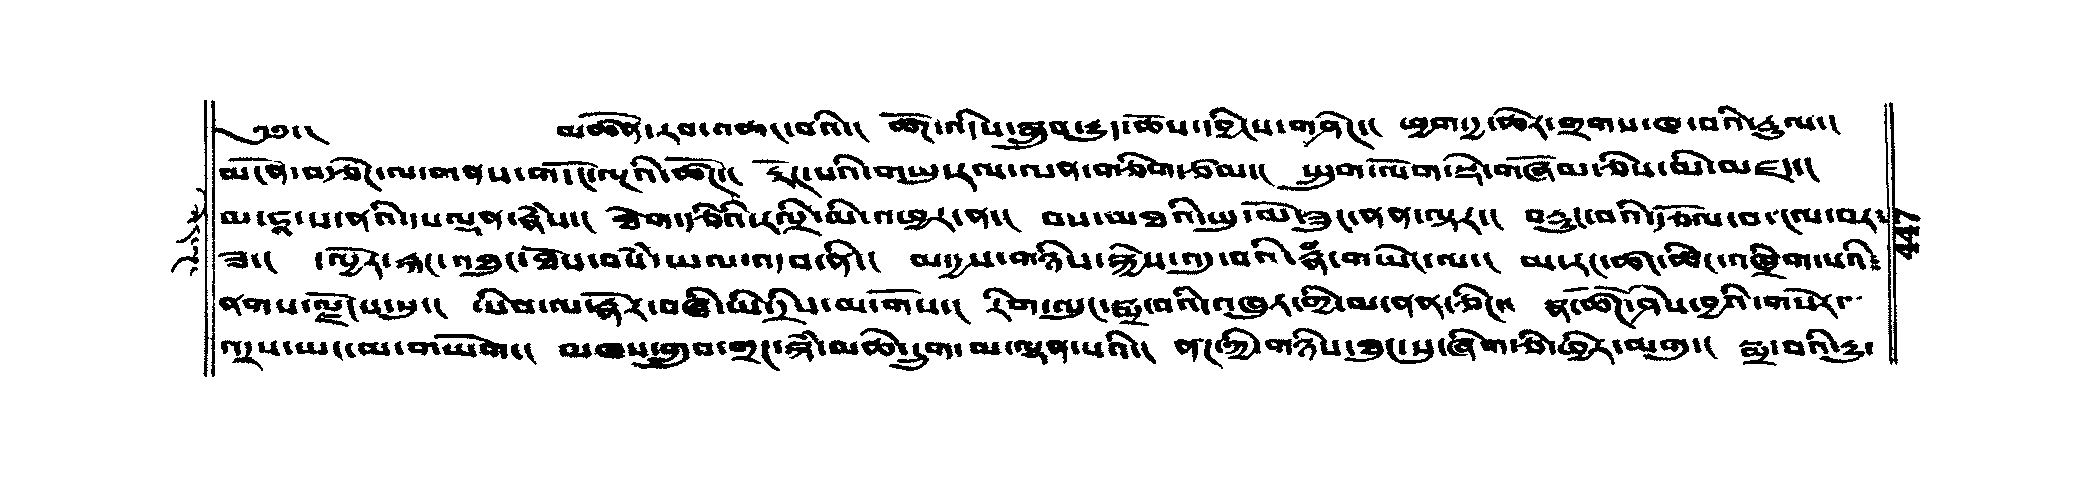མཚོན་རབ་འཆང་བའི། །ཚོགས་འདི་སྒྲུབ་རྒྱུད་ཆོས་དབྱིངས་གཤེགས། །ཕྱག་རྒྱ་ཆེར་གྲགས་ཁ་བའི་རྡུལ། །
མངོན་བརྩེགས་ལ་གནས་གདོང་ལྔའི་ཚོགས། །རྟོགས་པའི་གཡུ་རལ་ལན་གཅིག་ཙམ། །སྤྲུག་ལོག་སྡེ་གཞོམ་ཅིས་མི་མཛད། །
མ་ཧཱ་ས་ནའི་དཔལ་ལྡན་རྣམས། །ཐེག་རྩེའི་རལ་གྲི་མི་འཕྱར་ན། །བས་མཐའི་ཡུ་མོ་ཟུང་ནན་ལྟར།།བརྡུང་བའི་རྩོལ་བ་ངལ་བར་
ཟ། །དལ་འབྱོར་རྐང་འཐུང་ཐོས་བསམ་ཡལ་འདབ་ནི། །མ་རྒྱས་གཉིས་རྒྱས་འདུ་བའི་རྣམ་གཡེང་ལ། །མ་རང་ཚང་ཚིང་འཁྲིག་པའི་
ནགས་ལྗོངས་སུ། །ཡིབ་ལ་རྣལ་འབྱོར་བཞི་ཡིས་དྲིས་མ་གོས། །རིག་ལུང་སྨྲ་བའི་འཁུར་གྱི་མ་ནན་ཅིང་། སྣ་ཚོགས་ཤེས་བྱའི་གསེར་
འདྲས་ཡང་མ་གཡོག་།མཁས་གྲུབ་གྲགས་སྐམ་མཆེ་དྲུག་མ་ལྡན་པའི། །ནགས་ཀྱི་གཉིས་འཐུང་སུ་ཞིག་ཅི་ཕྱིར་མགུ་།སྨྲ་བའི་རྒྱུ་